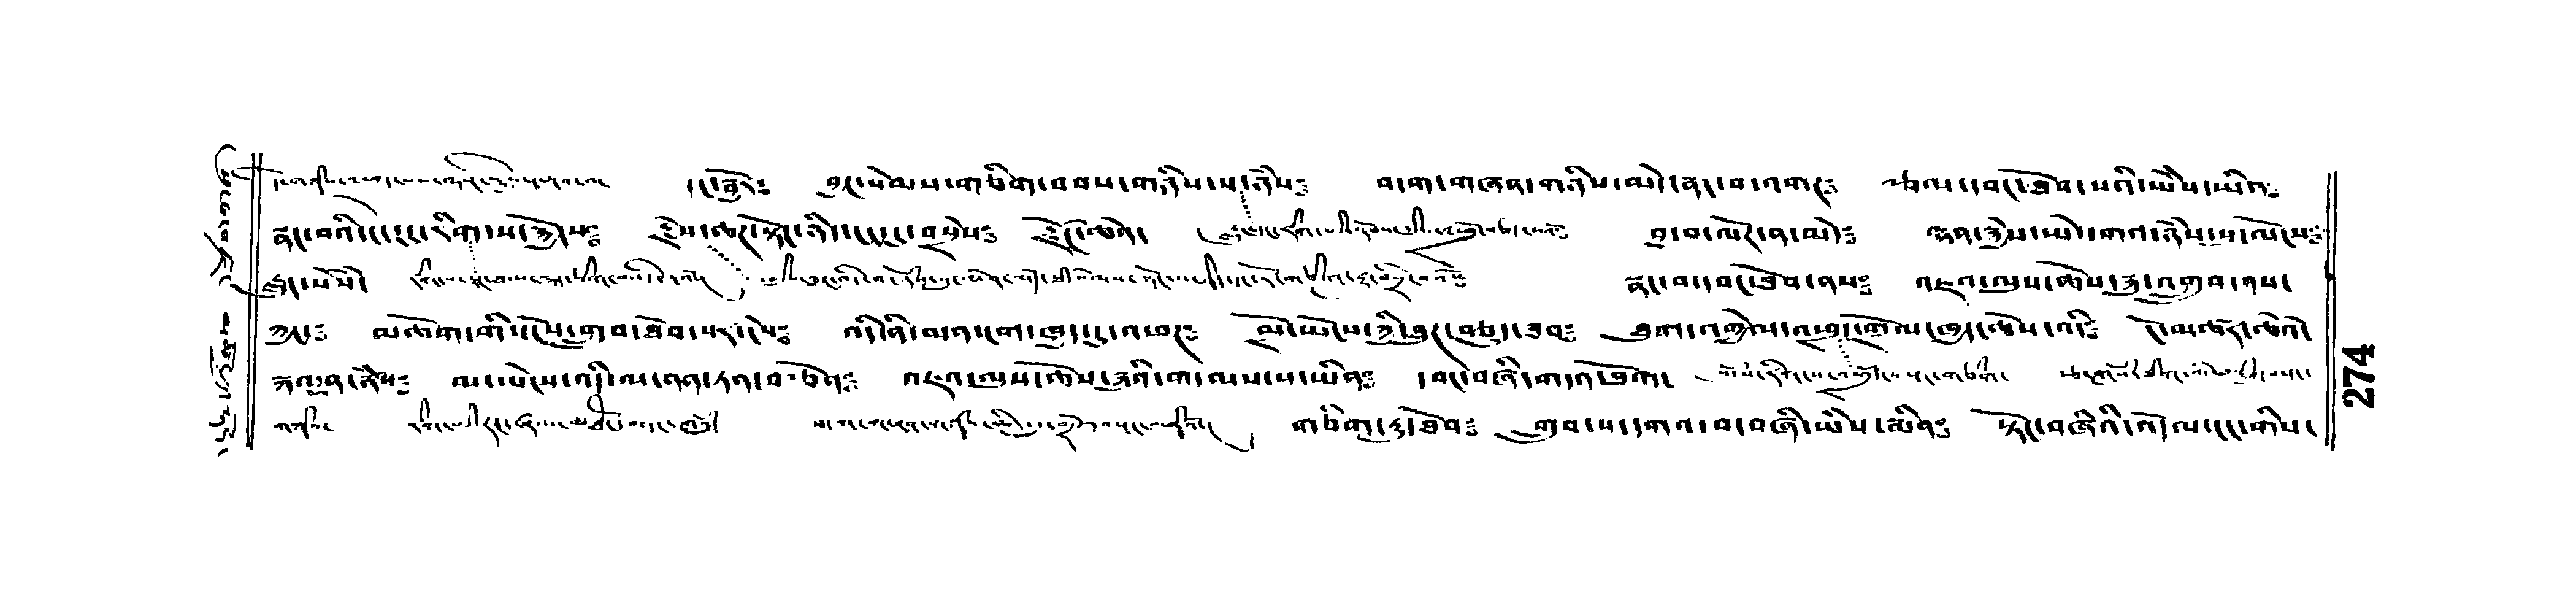དང་སྦྱོར༔ བྱང་སེམས་གཅིག་བབས་གཉིས་པ་ཉམས༔བདག་གཞན་གཉིས་མེད་སྣང་བ་འགགས༔ རྩལ་དབང་ཐོབ་པའི་ཡེ་ཤེས་ཡིན༔ 
སྣང་བའི་ངང་དུ་རིག་པ་སྐྱོངས༔ རྗེས་ཆགས་སྟོང་ཉིད་ངང་དུ་བསྲེས༔ རྫོགས་ཆེན་བྱ་བ་ལོགས་ན་མེད༔ ལྷན་སྐྱེས་ཡེ་དགའ་ཉམས་སུ་ལོངས༔ 
རླུང་སེམས་སྣང་བ་དབང་ཐོབ་ནས༔ འཇའ་ལུས་ཆོས་སྐུ་འགྲུབ་ནས་
ཀྱང༔ མཆོག་གི་དངོས་གྲུབ་ཐོབ་པར་ངེས༔ འདི་ནི་མན་ངག་ཁྱད་དུ་འཕགས༔ མཁའ་འགྲོ་ཡོངས་ཀྱི་ཐུགས་བཅུད་ཟབ༔ ཐུག་འགྱེལ་འཕྲད་གྲོལ་ཁྱད་ཆོས་འདི༔ ངོ་མཚར་ཆེའོ་
སྐལ་ལྡན་རྣམས༔ མ་ཡེངས་འདི་ལ་ནན་ཏན་བརྩོན༔ འཇའ་ལུས་ཆོས་སྐུའི་གདམས་པ་ཡིན༔ དབང་བཞི་གདན་ཐོག་
གཅིག་ཏུ་ཐོབ༔ གྲུབ་པ་དགའ་བ་བཞི་ཡིས་སྨིན༔ སྟོང་བཞིའི་འོད་གསལ་ངང་གིས་